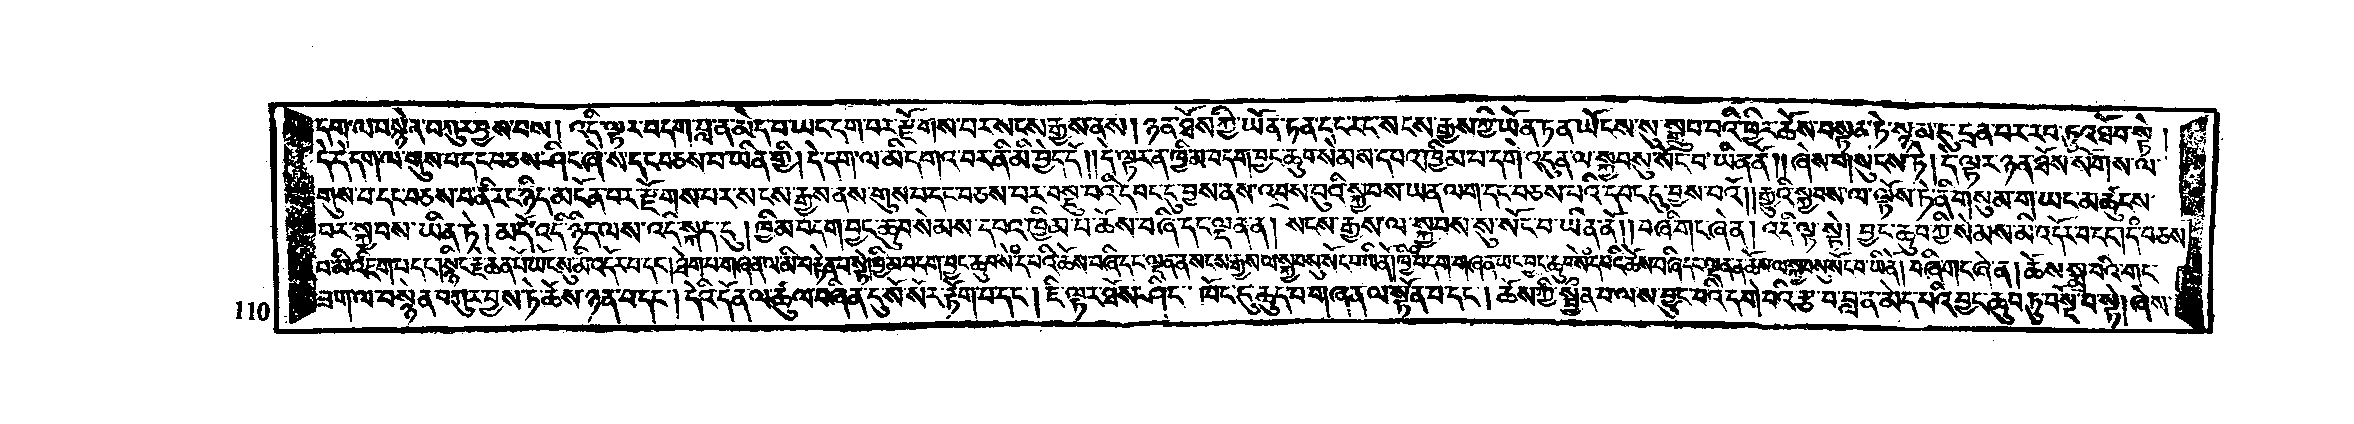དག་ལ་བསྙེན་བཀུར་བྱས་པས། འདི་ལྟར་བདག་བླ་ན་མེད་པ་ཡང་དག་པར་རྫོགས་པར་སངས་རྒྱས་ནས། ཉན་ཐོས་ཀྱི་ཡོན་ཏན་དང་རང་སངས་རྒྱས་ཀྱི་ཡོན་ཏན་ཡོངས་སུ་སྒྲུབ་པའི་ཕྱིར་ཆོས་བསྟན་ཏེ་སྙམ་དུ་དྲན་པར་རབ་ཏུ་འཐོབ་སྟེ།
དེ་དེ་དག་ལ་གུས་པ་དང་བཅས་ཤིང་ཞེ་ས་དང་བཅས་པ་ཡིན་གྱི་།དེ་དག་ལ་མི་དགའ་བར་ནི་མི་བྱེད་དོ། །དེ་ལྟར་ན་ཁྱིམ་བདག་བྱང་ཆུབ་སེམས་དཔའ་ཁྱིམ་པ་དགེ་འདུན་ལ་སྐྱབས་སུ་སོང་བ་ཡིན་ནོ། །ཞེས་གསུངས་ཏེ། དེ་ལྟར་ཉན་ཐོས་སོགས་ལ་
གུས་པ་དང་བཅས་པ་ནི་རང་ཉིད་མངོན་པར་རྫོགས་པར་སངས་རྒྱས་ནས་གུས་པ་དང་བཅས་པར་བསྡུ་བའི་དབང་དུ་བྱས་ནས་འབྲས་བུའི་སྐྱབས་ཡན་ལག་དང་བཅས་པའི་དབང་དུ་བྱས་པའོ། །རྒྱུའི་སྐྱབས་ལ་ལྟོས་ཏེ་ནི་གསུམ་ག་ཡང་མཚུངས་
པར་སྐྱབས་ཡིན་ཏེ། མདོ་འདི་ཉིད་ལས་འདི་སྐད་དུ། ཁྱིམ་བདག་བྱང་ཆུབ་སེམས་དཔའ་ཁྱིམ་པ་ཆོས་བཞི་དང་ལྡན་ན། སངས་རྒྱས་ལ་སྐྱབས་སུ་སོང་བ་ཡིན་ནོ། །བཞི་གང་ཞེ་ན། འདི་ལྟ་སྟེ། བྱང་ཆུབ་ཀྱི་སེམས་མི་འདོར་བ་དང་། དམ་བཅས་
པ་མི་འཇིག་པ་དང་། སྙིང་རྗེ་ཆེན་པོ་ཡོངས་སུ་མི་འདོར་པ་དང་། ཐེག་པ་གཞན་ལ་མི་བརྟེན་པ་སྟེ། ཁྱིམ་བདག་བྱང་ཆུབ་སེམས་དཔའི་ཆོས་བཞི་དང་ལྡན་ན་སངས་རྒྱས་ལ་སྐྱབས་སུ་སོང་བ་ཡིན་ནོ། །ཁྱིམ་བདག་གཞན་ཡང་བྱང་ཆུབ་སེམས་དཔའི་ཆོས་བཞི་དང་ལྡན་ན་ཆོས་ལ་སྐྱབས་སུ་སོང་བ་ཡིན་ནོ། བཞི་གང་ཞེ་ན། ཆོས་སྨྲ་བའི་གང་
ཟག་ལ་བསྙེན་བཀུར་བྱས་ཏེ་ཆོས་ཉན་པ་དང་། དེའི་དོན་ལ་ཚུལ་བཞིན་དུ་སོ་སོར་རྟོག་པ་དང་། ཇི་ལྟར་ཐོས་ཤིང་ཁོང་དུ་ཆུད་པ་གཞན་ལ་སྟོན་པ་དང་། ཆོས་ཀྱི་སྦྱིན་པ་ལས་བྱུང་བའི་དགེ་བའི་རྩ་བ་བླ་ན་མེད་པའི་བྱང་ཆུབ་ཏུ་བསྔོ་བ་སྟེ། ཞེས་